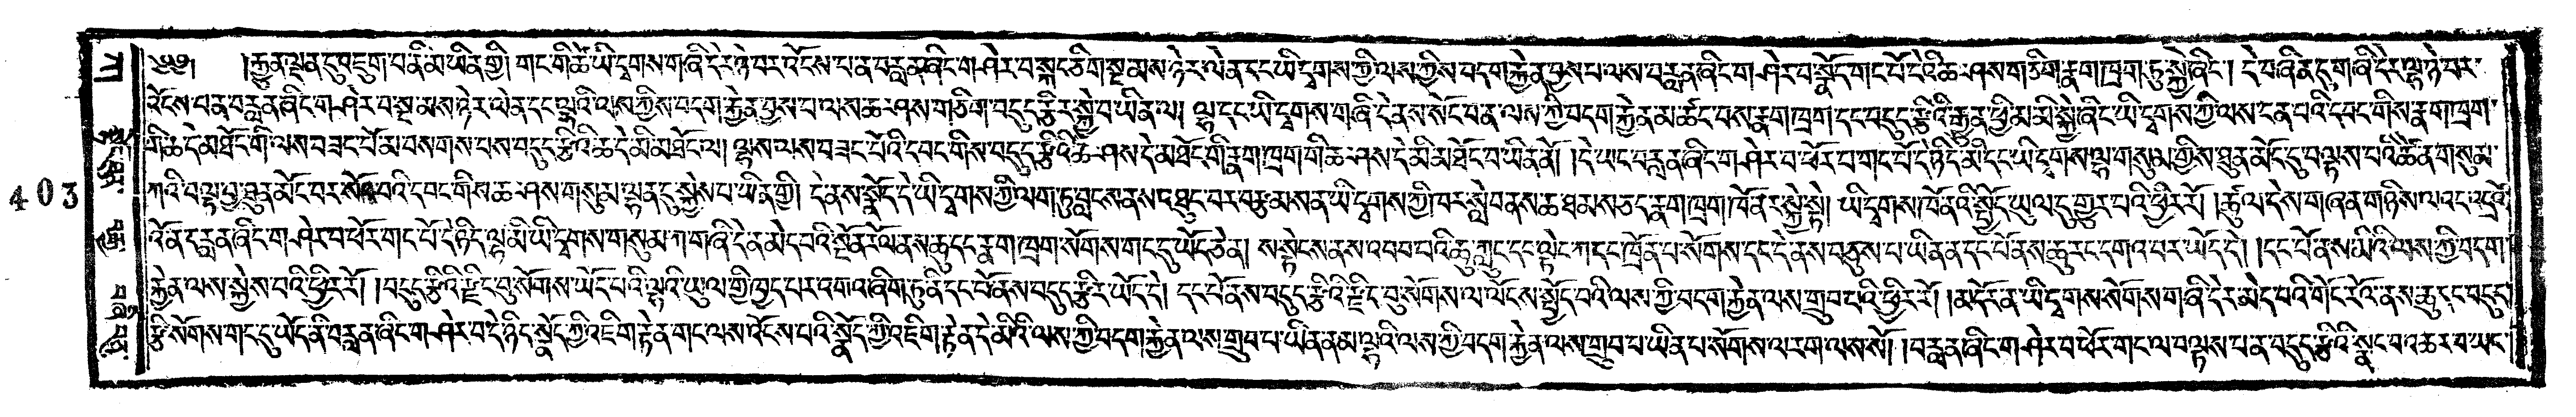༄༅། །རྒྱུན་ལྡན་དུ་འཇུག་པ་ནི་མ་ཡིན་གྱི། གང་གི་ཚེ་ཡི་དྭགས་གཞི་དེར་ཉེ་བར་འོངས་པ་ན་བརླན་ཞིང་གཤེར་བ་སྐད་ཅིག་སྔ་མས་ཉེར་ལེན་དང་ཡི་དྭགས་ཀྱི་ལས་ཀྱིས་བདག་རྐྱེན་བྱས་པ་ལས་བརླན་ཞིང་གཤེར་བ་སྣོད་གང་པོ་དེའི་ཆ་ཤས་གཅིག་རྣག་ཁྲག་ཏུ་སྐྱེ་ཞིང་། དེ་བཞིན་དུ་གཞི་དེར་ལྷ་ཉེ་བར་
འོངས་པ་ན་བརླན་ཞིང་གཤེར་བ་སྔ་མས་ཉེར་ལེན་དང་ལྷའི་ལས་ཀྱིས་བདག་རྐྱེན་བྱས་བ་ལས་ཆ་ཤས་གཅིག་བདུད་རྩིར་སྐྱེ་བ་ཡིན་ལ། ལྷ་དང་ཡི་དྭགས་གཞི་དེ་ནས་སོང་བ་ན་ལས་ཀྱི་བདག་རྐྱེན་མ་ཚང་བས་རྣག་ཁྲག་དང་བདུད་རྩིའི་རྒྱུན་ཕྱི་མ་མི་སྐྱེ་ཞིང་ཡི་དྭགས་ཀྱི་ལས་ངན་པའི་དབང་གིས་རྣག་ཁྲག་
གི་ཆ་དེ་མཐོང་གི་ལས་བཟང་པོ་མ་བསགས་པས་བདུད་རྩིའི་ཆ་དེ་མི་མཐོང་ལ། ལྷས་ལས་བཟང་པོའི་དབང་གིས་བདུད་རྩིའི་ཆ་ཤས་དེ་མཐོང་གི་རྣག་ཁྲག་གི་ཆ་ཤས་དེ་མི་མཐོང་བ་ཡིན་ནོ། །དེ་ཡང་བརླན་ཞིང་གཤེར་བ་ཕོར་བ་གང་པོ་དེ་ཉིད་མི་དང་ཡི་དྭགས་ལྷ་གསུམ་གྱིས་ཐུན་མོང་དུ་བལྟས་པའི་ཚེ་ན་གསུམ་
ཀའི་བལྟ་བྱ་ཐུན་མོང་བར་སོང་བའི་དབང་གིས་ཆ་ཤས་གསུམ་ལྷན་དུ་སྐྱེས་པ་ཡིན་གྱི། དེ་ནས་སྣོད་དེ་ཡི་དྭགས་ཀྱི་ལག་ཏུ་བླངས་ནས་འཐུང་བར་བརྩམས་ན་ཡི་དྭགས་ཀྱི་ཁར་སླེབ་ནས་ཆ་ཐམས་ཅད་རྣག་ཁྲག་ཁོ་ནར་སྐྱེ་སྟེ། ཡི་དྭགས་ཁོ་ནའི་སྤྱོད་ཡུལ་དུ་གྱུར་པའི་ཕྱིར་རོ། །ཚུལ་དེས་གཞན་གཉིས་ལའང་འདྲའོ་
འོ་ན་བརླན་?་ཞིང་གཤེར་བ་ཕོར་གང་པོ་དེ་ཉིད་ལྷ་མི་ཡི་དྭགས་གསུམ་ཀ་གཞི་དེ་ན་མེད་བའི་སྔོན་རོལ་ནས་ཆུ་དང་རྣག་ཁྲག་སོགས་གང་དུ་ཡོད་ཅེ་ན། ས་སྟེངས་ནས་འབབ་པའི་ཆུ་ཀླུང་དང་ལྟེང་ཀ་དང་ཁྲོན་པ་སོགས་དང་དེ་ནས་བཅུས་པ་ཡིན་ན་དང་པོ་ནས་ཆུ་རང་དགའ་བར་ཡོད་དེ། །དང་པོ་ནས་མིའི་ལས་ཀྱི་བདག་
རྐྱེན་ལས་སྐྱེས་བའི་ཕྱིར་རོ། །བདུད་རྩིའི་རྫིང་བུ་སོགས་ཡོད་པའི་ལྷའི་ཡུལ་གྱི་ཁྱད་པར་འགའ་ཞིག་ཏུ་ནི་དང་པོ་ནས་བདུད་རྩིར་ཡོད་དེ། དང་པོ་ནས་བདུད་རྩིའི་རྫིང་བུ་སོགས་ལ་ལོངས་སྤྱོད་བའི་ལས་ཀྱི་བདག་རྐྱེན་ལས་གྲུབ་པའི་ཕྱིར་རོ། །མདོར་ན་ཡི་དྭགས་སོགས་གཞི་དེར་མེད་བའི་གོང་རོལ་ནས་ཆུ་དང་བདུད་
རྩི་སོགས་གང་དུ་ཡོད་ནི་བརླན་ཞིང་གཤེར་བ་དེ་ཉིད་སྣོད་ཀྱི་འཇིག་རྟེན་གང་ལས་འོངས་པའི་སྣོད་ཀྱི་འཇིག་རྟེན་དེ་མིའི་ལས་ཀྱི་བདག་རྐྱེན་ལས་གྲུབ་པ་ཡིན་ནམ་ལྷའི་ལས་ཀྱི་བདག་རྐྱེན་ལས་གྲུབ་པ་ཡིན་པ་སོགས་ལ་རག་ལས་སོ། །བརླན་ཞིང་གཤེར་བ་ཕོར་གང་ལ་བལྟས་པ་ན་བདུད་རྩིའི་སྣང་བ་འཆར་བ་ཡང་